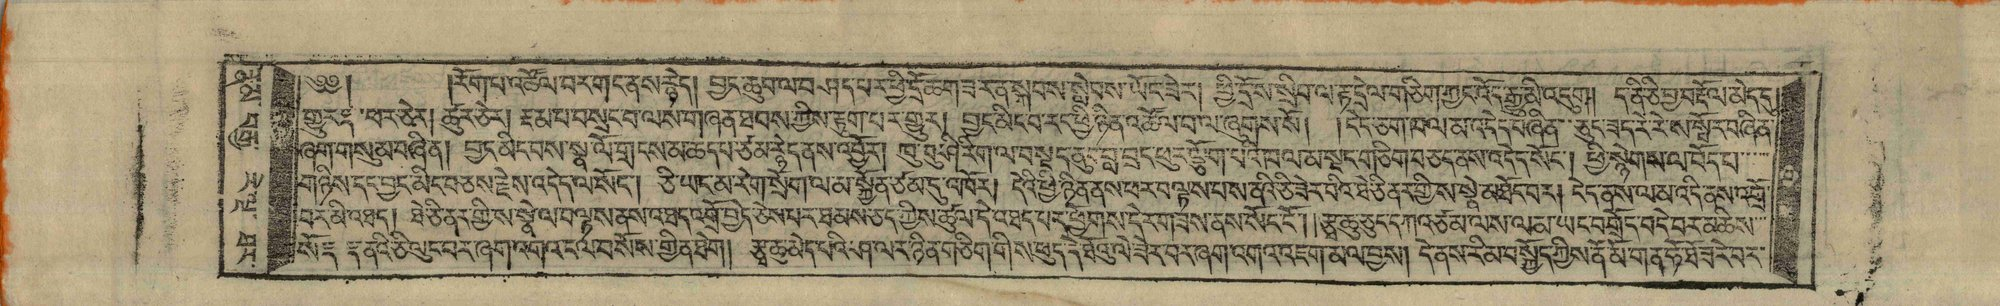༄༅། །རོག་པ་འཚོལ་བར་གང་ནས་རྙེད། བྱང་ཆུབ་ལ་བཤད་པར་ཕྱི་དྲོ་ཆག་ཟར་ན་སྐབས་སླེབས་ཡོང་ཟེར། ཕྱི་དྲོས་སྲིབ་ལ་རྟ་དྲེལ་གཅིག་ཀྱང་འོད་རྒྱུ་མི་འདུག །ད་ནི་ཅི་བྱ་བརྡོལ་མེད་དུ་
གྱུར༑ ཕར་ཅེར། ཚུར་ཅེར། རྔམ་བ་བསྲང་བ་ལས་གཞན་ཐབས་ཀྱིས་རྟུག་པར་གྱུར། བྱང་མིང་བ་རང་གྱི་ཉིན་འཚོལ་བ་ལ་ཞུགས་སོ། །ངེད་ཅག་ཁལ་མ་འདེད་བཞིན་ཅུང་ཟད་རེ་རེ་ས་སྤོར་བཞིན་
ཞག་གསུམ་བཞིན། བྱང་མིང་བས་སྣ་ལོ་གྲངས་མ་ཆད་པ་ཙམ་རྙེད་ནས་འབྱོར། ཁུ་བུ་ཤི་རིག་ལ་བསྡད་ནུབ་བླ་བྲང་ཕུར་ལྕོག་པའི་ཁལ་མ་སྡང་གཅིག་བཅད་ནས་འདེད་སོང་། ཕྱི་སྙེགས་ལ་བོད་པ་
གཉིས་དང་བྱང་མིང་བཅས་རྗེས་འདོད་ལ་སོང་། ཅི་ཡང་མ་རེག་སྲོག་ལ་མ་སྐྱོན་ཙམ་དུ་འཁོར། དེའི་ཕྱི་ཉིན་ནས་ཕར་བལྟས་པས་ནའི་ཅི་ཟེར་བའི་ཐེ་ཅི་ནར་གྱི་ས་སྣེ་མཐོང་བར། ངེད་ནས་ལམ་འདི་ནས་འགྲོ་
བར་མི་འཐད། ཐེ་ཅི་ནར་གྱི་ས་སྣེ་ལས་ལྟས་ནས་འཐད་འགྲོ་བྱེད་ཅེས་པར་ཐམས་ཅད་ཀྱིས་ཚུལ་དེ་འཐད་པར་ཕྱོགས་དེར་གཟས་ནས་སོང་ངོ། །རྩྭ་ཆུ་ཅུང་དཀའ་ཙམ་ལས་ལམ་ཡང་བགྲོད་བདེ་བར་མཆིས་
སོ༑ ༑ནའི་ཅི་ལུང་བར་ཞགྰྒའ་ངལ་བ་སོས་གྱིན་ཐེག །རྩྭ་ཆུ་མེད་པའི་ཤ་ལར་ཉིན་གཅིག་གིས་ཕུད་དེ་ཐོའུ་ལེ་ཟེར་བར་ཞག་འགའ་འཇག་མལ་བྱས། དེ་ནས་རིམ་བསྐྱོད་ཀྱིས་ནོ་མོ་ག་ན་ཧོ་ཐོ་ཟེར་བར་